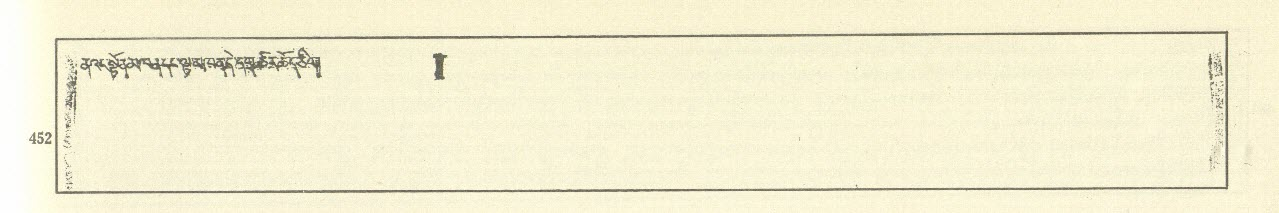ནའང་སྟོན་མཁན་དང་ལྟ་མཁན་དེ་འདྲ་ཚར་ཆོད་ཅིག། །།